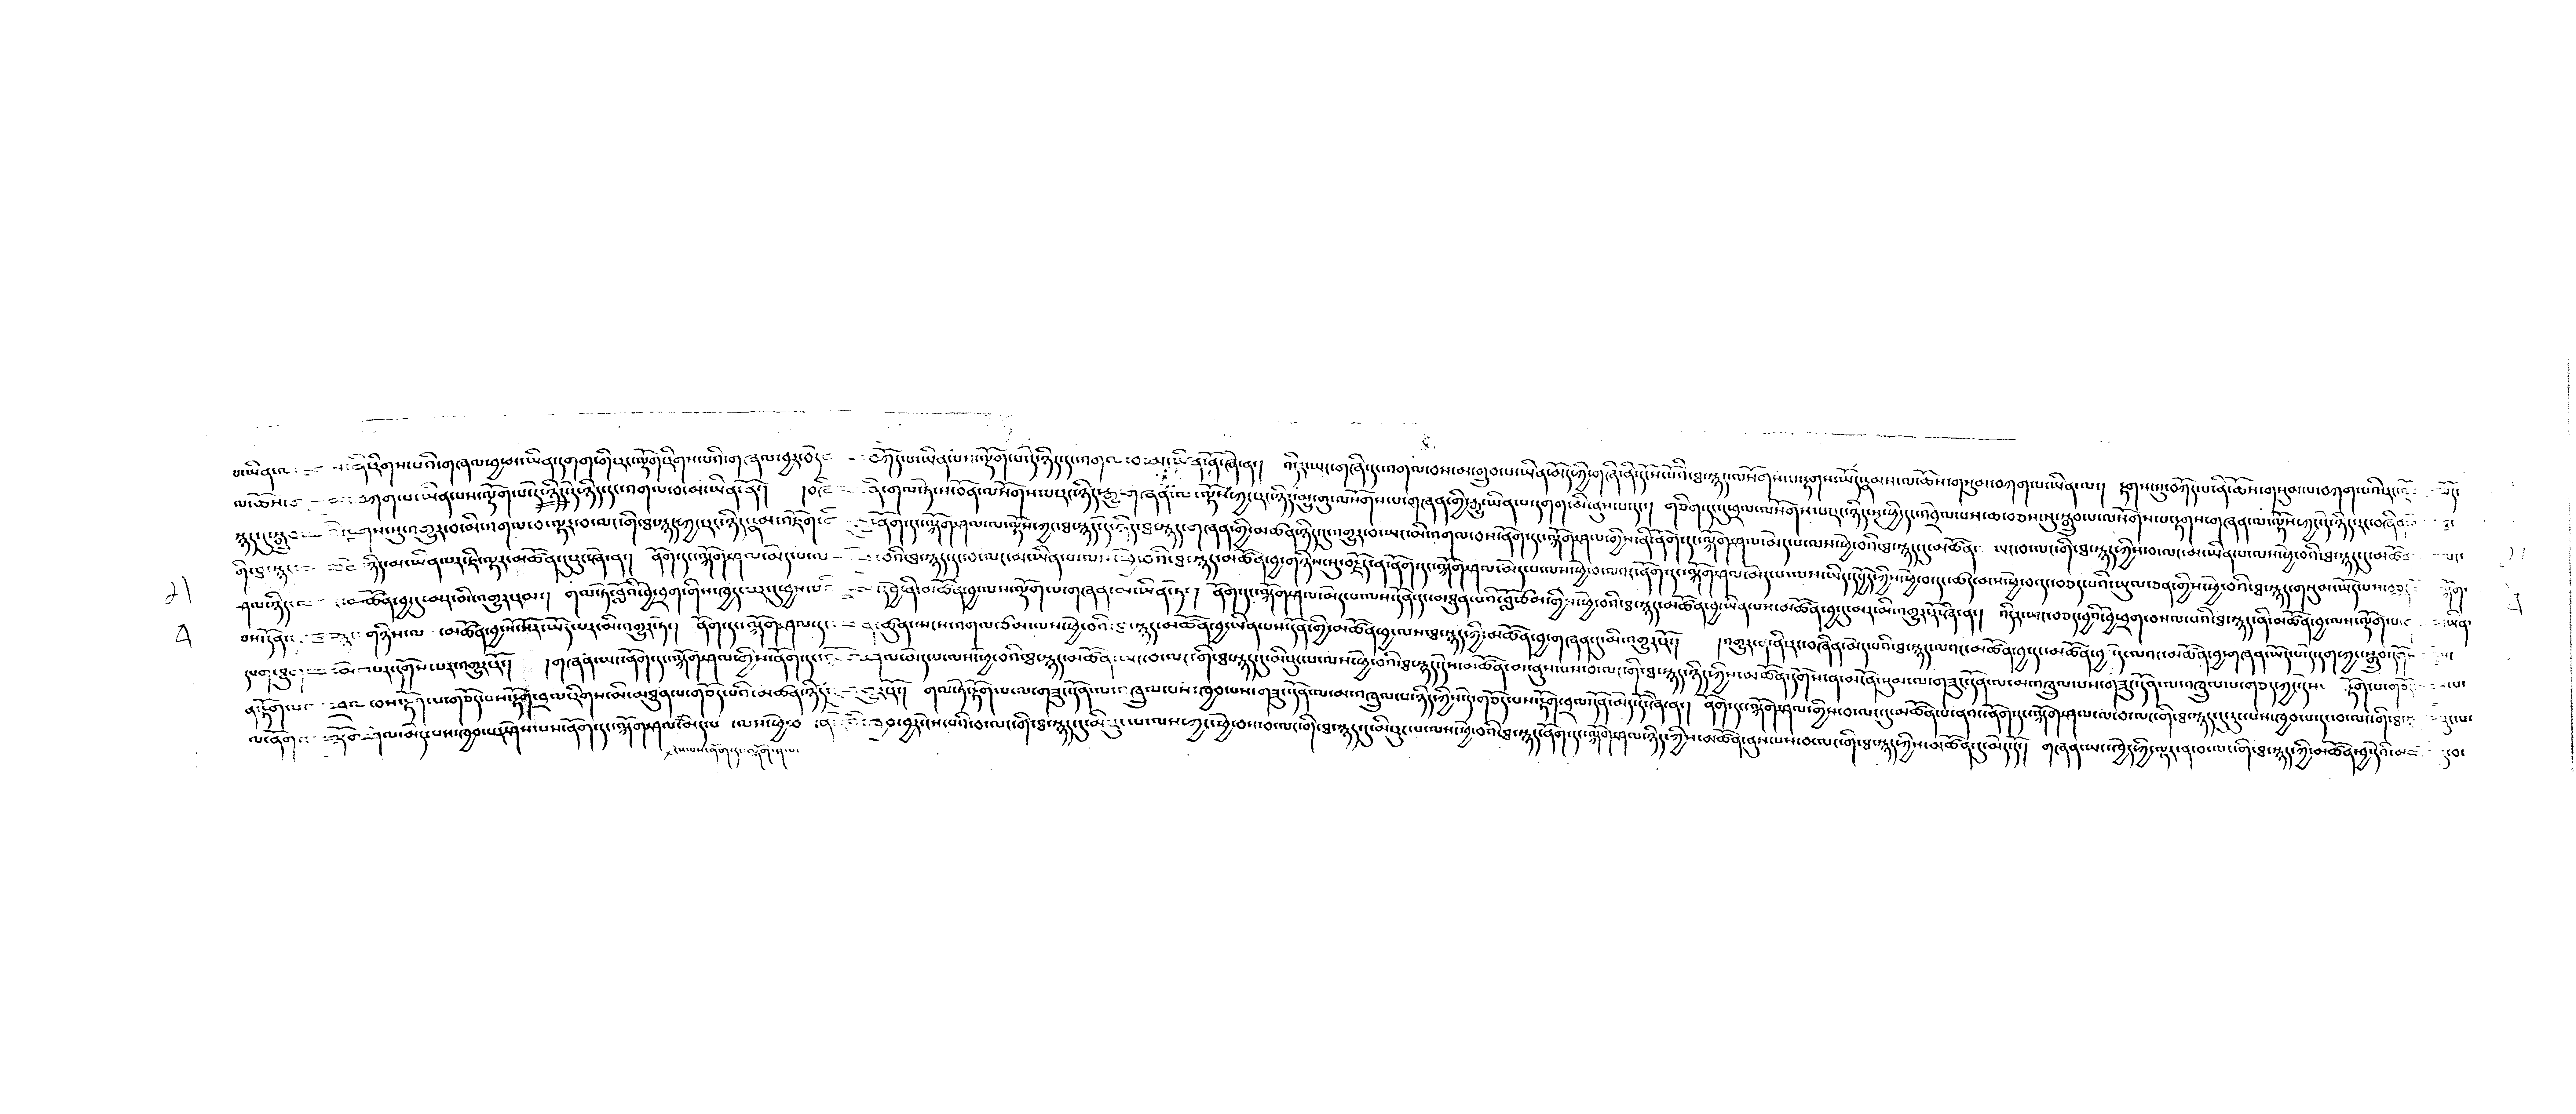པ་ཡིན་ལ། རྟགས་ནི་རིགས་པའི་གཞལ་བྱ་བ་ཡིན་དགག་གི་རང་ལྡོག་རིགས་པའི་གཞལ་བྱར་བདེན་པ་བཀོད་པ་ཡིན་པས་ལྡོག་པ་དེ་ཉིད་དང་འགལ་བ་མ་ཡིན་ནོ་ཞེ་ན། འདིར་ཡང་གཞི་དང་འགལ་བས་མ་གྲུབ་པ་ཡིན་མོད་ཀྱི་གཞི་ནི་དངོས་པོའི་ཐ་སྙད་ལ་སོགས་པ་རྟགས་ཡོད་རྣམས་ལ་ཆོས་གསུམ་བཀག་པ་ཡིན་ལ། རྟགས་སུ་བཀོད་པ་ནི། ཆོས་གསུམ་པ་བཀག་པའི་རང་ལྡོག་རྫས་ཡོད་
ལ་ཆོས་གསུམ་བཀག་པ་ཡིན་པས་ལྡོག་པ་དེ་ཉིད་དེ་ཉིད་དང་འགལ་བ་མ་ཡིན་ནོ། །བཞི་པ་ནི། གལ་ཏེ་ས་བོན་ལ་སོགས་པ་རང་ཉིད་རྒྱུ་གཞན་ལ་ལྟོས་ཀྱང་རང་ཉིད་མྱུ་གུ་ལ་སོགས་པ་གཞན་གྱི་རྒྱུ་ཡིན་པ་དགག་མི་ནུས་པ་དང་། གཅིག་དང་དུ་བྲལ་ལ་སོགས་པ་རང་ཉིད་སྔ་ཕྱི་དང་འབྲེལ་པས་ཆ་བཅས་སུ་སྒྲུབ་པ་ལ་སོགས་པ་རྟགས་གཞན་ལ་ལྟོས་ཀྱང་དེ་ཉིད་རང་བཞིན་མེད་པའི་ཐ་
སྙད་དུ་སྒྲུབ་པའི་རྟགས་སུ་འགྱུར་བ་མི་འགལ་བ་ལྟར་བ་ལང་གི་ཐ་སྙད་ཀྱང་རང་ཉིད་རྣམ་འཇོག་གི་རྒྱུ་ནོག་དང་ལྐོག་ཤལ་ལ་ལྟོས་ཀྱང་ཐ་སྙད་དེ་ཉིད་ཐ་སྙད་གཞན་གྱི་མཚན་ཉིད་དུ་འགྱུར་བ་ཡང་མི་འགལ་བས་ནོག་དང་ལྐོག་ཤལ་གྱིས་ནི་ནོག་དང་ལྐོག་ཤལ་མེད་པ་ལས་ཕྱེ་བའི་ཐ་སྙད་དུ་མཚོན་ཡང་བ་ལང་གི་ཐ་སྙད་ཀྱིས་བ་ལང་མ་ཡིན་པ་ལས་ཕྱེ་བའི་ཐ་སྙད་དུ་མཚོན་པས་བ་ལང་
གི་ཐ་སྙད་མཚན་ཉིད་མ་ཡིན་པར་ཇི་ལྟར་མཚོན་དུ་རུང་ཞེ་ན། ནོག་དང་ལྐོག་ཤལ་མེད་པ་ལས་ཕྱེ་བའི་ཐ་སྙད་དང་བ་ལང་མ་ཡིན་པ་ལས་ཕྱེ་བའི་ཐ་སྙད་མཚོན་བྱ་གཉིས་སུ་བརྗོད་ན་ནོག་དང་ལྐོག་ཤལ་མེད་པ་ལས་ཕྱེ་བ་ལའང་ནོག་དང་ལྐོག་ཤལ་མེད་པ་ལས་ཡིད་དཔྱོད་ཀྱིས་ཕྱེ་བ་དང་ཚད་མས་ཕྱེ་བ་དང་བཅད་པའི་ཡུལ་ཅན་གྱིས་ཕྱེ་བའི་ཐ་སྙད་གསུམ་ཡོད་པས་བཅད། ནོག་དང་ལྐོག་
ཤལ་ཉིད་ལས་མཚོན་བྱ་དུ་མར་མི་འགྱུར་རམ། གལ་ཏེ་བློའི་བྱེ་བྲག་གིས་ཁྱད་པར་དུ་བྱས་པའི་རྣམ་དབྱེ་ནི། མཚོན་བྱ་ལས་ལྡོག་པ་གཞན་མ་ཡིན་ཏེ། ནོག་དང་ལྐོག་ཤལ་མེད་པ་ལས་དོན་དང་མཐུན་པའི་བློ་ཙམ་གྱིས་ཕྱེ་བའི་ཐ་སྙད་མཚོན་བྱ་ཡིན་པས་མཚོན་བྱ་དུ་མར་མི་འགྱུར་རོ་ཞེ་ན། འདིར་ཡང་བཅད་བྱའི་བྱེ་བྲག་བསལ་པའི་ཐ་སྙད་ནི་མཚོན་བྱ་ལས་ལྡོག་པ་གཞན་མ་ཡིན་
པས་དོན་དང་ཐ་སྙད་གཉིས་ལ་མཚོན་བྱ་སོ་སོར་ཡོད་པར་མི་འགྱུར་ཏེ། ནོག་དང་ལྐོག་ཤལ་དང་ཕན་ཚུན་སྤངས་འགལ་ཙམ་ལས་ཕྱེ་བའི་ཐ་སྙད་མཚོན་བྱ་ཡིན་པས་དོན་གྱི་མཚོན་བྱ་ལས་ཐ་སྙད་ཀྱི་མཚོན་བྱ་གཞན་དུ་མི་འགྱུར་རོ། །འགྱུར་ན་ནི་རང་བཞིན་མེད་པའི་ཐ་སྙད་ལའང་མཚོན་བྱ་དང་མཚོན་བྱ་དེ་ལའང་མཚོན་བྱ་གཞན་ཡོད་པ་དེ་དག་ཀྱང་སྒྲུབ་དགོས་པས་རྗེས་
དཔག་ཐུག་པ་མེད་པར་དགོས་པར་འགྱུར་རོ། །གཞན་ཡང་ནོག་དང་ལྐོག་ཤལ་གྱིས་ནོག་དང་ལྐོག་ཤལ་མེད་པ་ལས་ཕྱེ་བའི་ཐ་སྙད་མཚོན་ཡང་བ་ལང་གི་ཐ་སྙད་དུ་མི་རུང་པ་ལས་ཕྱེ་བའི་ཐ་སྙད་དེས་མཚོན་མ་ནུས་པས་བ་ལང་གི་ཐ་སྙད་ཉིད་ཀྱིས་མཚོན་དགོས་ན་མངོན་སུམ་ལ་གཟུང་དོན་ལ་མ་འཁྲུལ་པས་གཟུང་དོན་ལ་འཁྲུལ་པ་གཅད་ཀྱང་དེས་རྟོག་པ་གཅོད་མ་ནུས་པ་
ན་རྟོག་པ་འབྲལ་བས་རྟོག་པ་གཅོད་པས་རྟོག་བྲལ་རིགས་མི་མཐུན་པ་གཅོད་པའི་མཚན་ཉིད་དུ་འགྱུར་རོ། གལ་ཏེ་རྟོག་པ་ལ་གཟུང་དོན་ལ་འཁྲུལ་པས་ཁྱབ་པས་གཟུང་དོན་ལ་མ་འཁྲུལ་པ་ཉིད་ཀྱིས་དེ་གཅོད་པས་རྟོག་བྲལ་དོན་མེད་དེ་ཞེ་ན། ནོག་དང་ལྐོག་ཤེལ་གྱིས་བ་ལང་དུ་མཚོན་པ་ནའང་ནོག་དང་ལྐོག་ཤལ་ལ་བ་ལང་གི་ཐ་སྙད་དུ་རུང་པས་ཁྱབ་པ་དང་བ་ལང་གི་ཐ་སྙད་དུ་མི་རུང་པ་
ལ་ནོག་དང་ལྐོག་ཤེལ་མེད་པས་ཁྱབ་པར་ཤེས་པས་ནོག་དང་ལྐོག་ཤལ་ངེས་པས་ནོག་དང་ལྐོག་ཤལ་མེད་པ་ལས་ཕྱེ་བ་ན་དེའི་ཁྱབ་བྱར་ངེས་པའི་བ་ལང་གི་ཐ་སྙད་དུ་མི་རུང་པ་ལས་ཀྱང་ཕྱེ་བས་བ་ལང་གི་ཐ་སྙད་དུ་མི་རུང་པ་ལས་ཕྱེ་བའི་ཐ་སྙད་ནོག་དང་ལྐོག་ཤལ་ཉིད་ཀྱིས་མཚོན་ནུས་པས་བ་ལང་གི་ཐ་སྙད་ཀྱིས་མཚོན་དུ་མེད་དོ། གཞན་ཡང་ཁྱེད་ཀྱི་ལྟར་ན་བ་ལང་གི་ཐ་སྙད་ཀྱི་མཚོན་བྱ་དེའི་མཚན་ཉིད་དུ་བ་